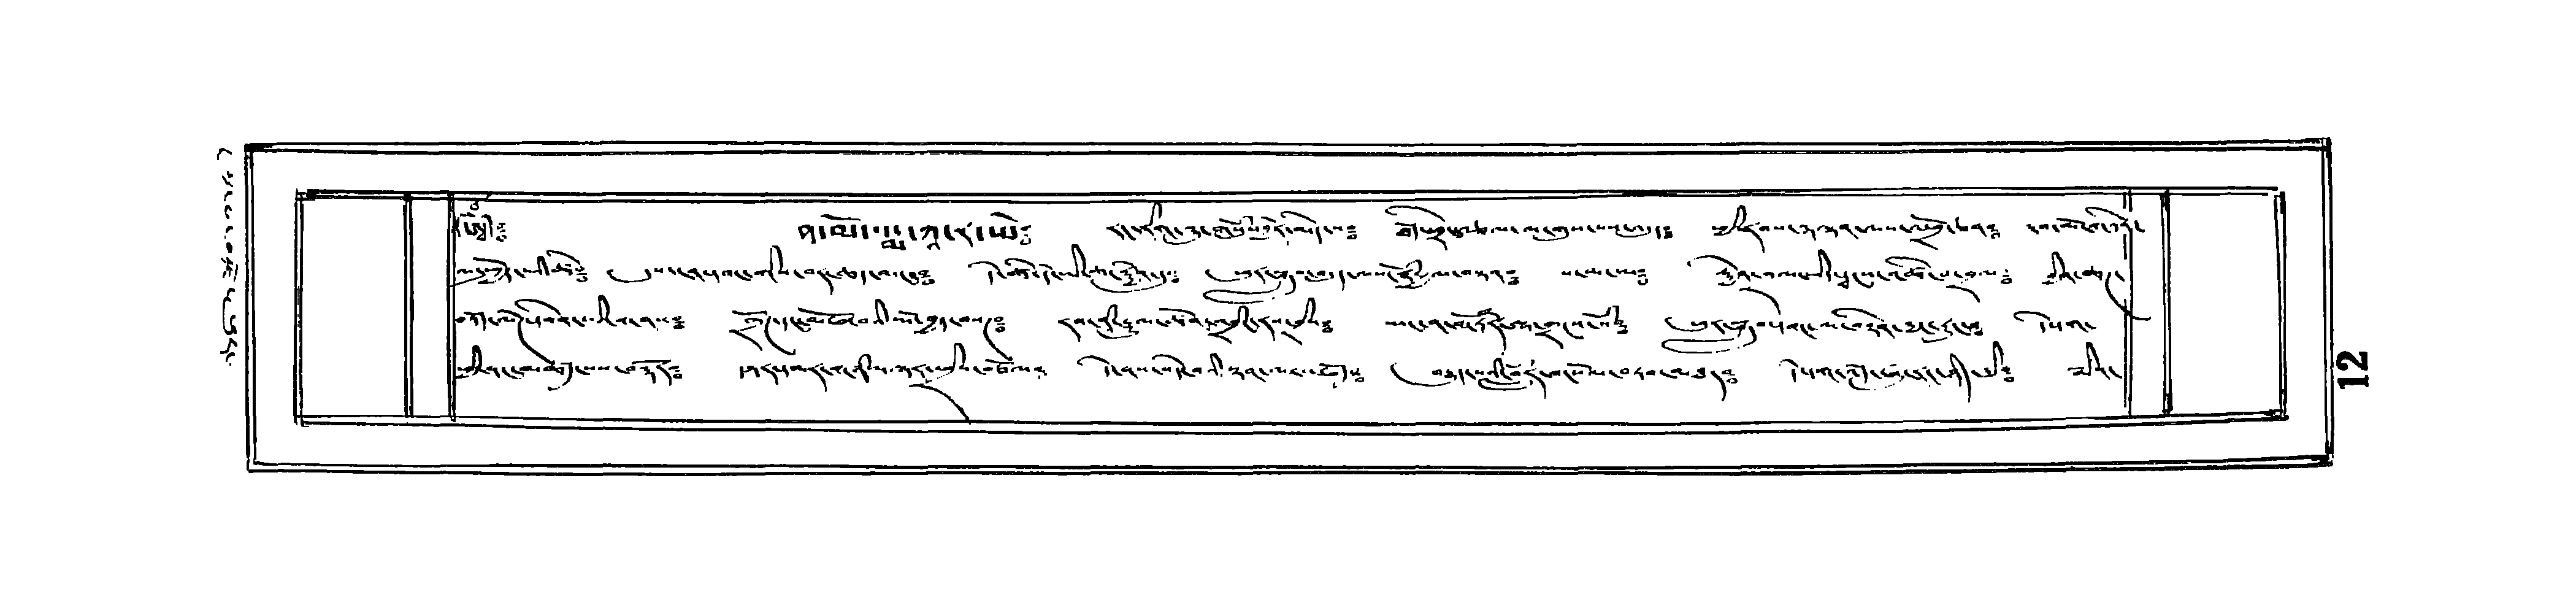ན་མོ་པདྨ་ཀཱ་ར་ཡེ༔ རང་རིག་སྐུ་གསུམ་དབྱེར་མེད་པ༔ ཐོད་ཕྲེང་རྩལ་ལ་གུས་པས་འདུད༔ ཕྱི་རབས་སྐལ་ལྡན་ལས་འཕྲོ་ཅན༔ ཟབ་མོ་གཏེར་
ལ་སྤྱོད་པའི་ཚེ༔ དུས་ངན་དབང་གིས་བར་ཆད་མང༔ དེ་ཚེ་དེ་ཡི་ཆ་རྐྱེན་དུ༔ ཕུར་སྒྲུབ་བདུད་ལས་རྣམ་རྒྱལ་བསྟན༔ ས་མ་ཡ༔ རྐྱེན་བྲལ་ཡིད་དྭངས་འཚེ་བ་བྲལ༔ བྱིན་ཆགས་
བཀོད་ལེགས་དབེན་པའི་གནས༔ གྲོགས་དང་མཁོ་བའི་ཡོ་བྱད་བསགས། རབ་ནི་རྡུལ་ཚོན་འབྲིང་རས་བྲིས༔ ཡང་ན་གཏོར་མ་ལྷ་གྲངས་སམ༔ ཕུར་སྒྲུབ་དག་ལ་བརྟེན་ཀྱང་རུང༔ དེ་དག་
ཕྱི་ནང་མཆོད་པས་བསྐོར༔ དཀར་དམར་གཉིས་ལྷར་ཕྲིན་ལས་བཅོལ༔ དེ་ནས་བདེ་བའི་སྟན་ལ་འཁོད༔ བརྒྱུད་པའི་བླ་མར་གསོལ་བཏབ་མཐར༔ དེ་དག་འོད་ཞུ་རང་ཉིད་ཀྱི༔ སྨིན་